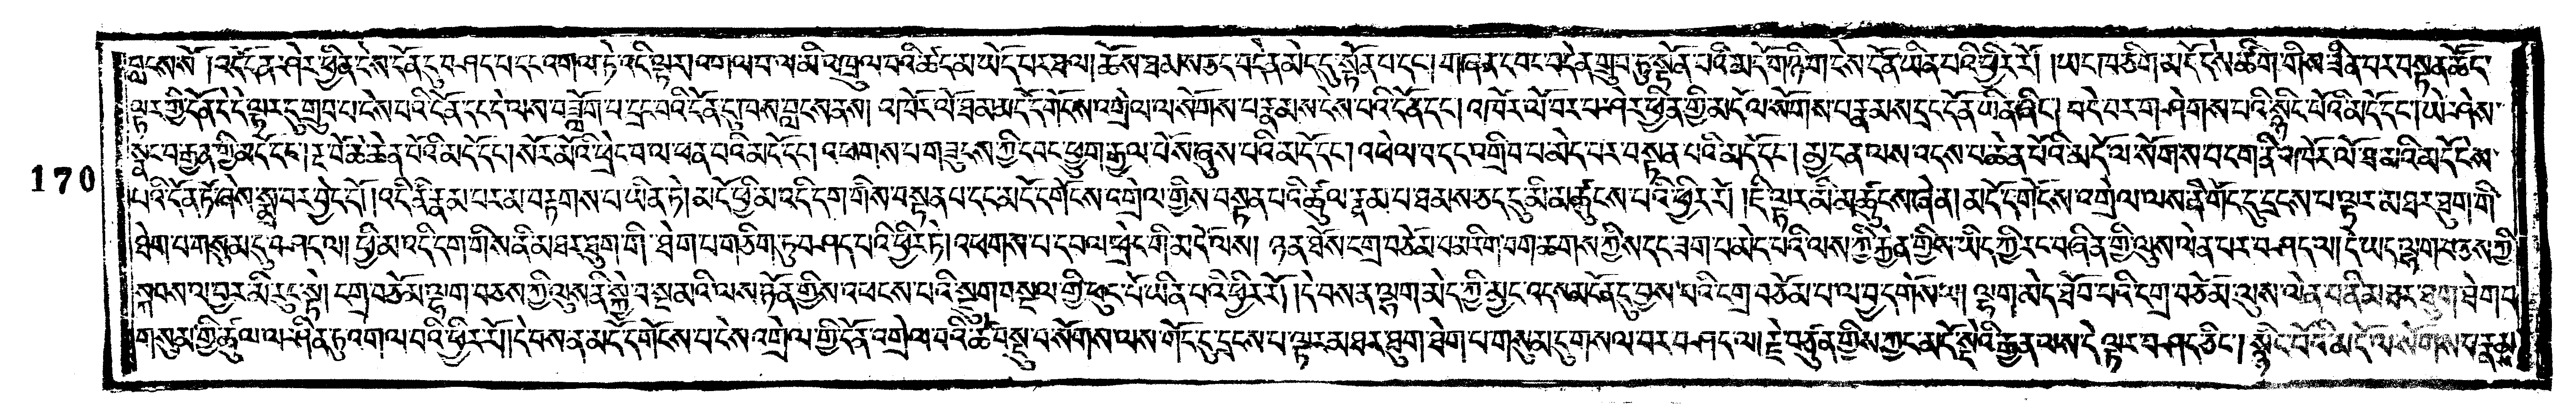བླངས་སོ་།འདོད་ན་ཤེར་ཕྱིན་ངེས་དོན་དུ་བཤད་པ་དང་འགལ་ཏེ་འདི་ལྟར། འགལ་བ་ལ་མི་འཁྲུལ་བའི་ཚད་མ་ཡོད་པར་ཐལ། ཆོས་ཐམས་ཅད་བདེན་མེད་དུ་སྟོན་པ་དང་། གཞན་དབང་བདེན་གྲུབ་ཏུ་སྟོན་པའི་མདོ་གཉིག་ངེས་དོན་ཡིན་པའི་ཕྱིར་རོ། །ཡང་ཁ་ཅིག་མདོ་དེས་ཚིག་གིས་ཟིན་པར་བསྟན་ཚོད་
ལྟར་གྱི་དོན་དེ་དེ་ལྟར་དུ་གྲུབ་པ་ངེས་པའི་དོན་དང་དེ་ལས་བཟློག་པ་དྲང་བའི་དོན་དུ་ཁས་བླངས་ནས། འཁོར་ལོ་ཐ་མ་མདོ་དགོངས་འགྲེལ་ལ་སོགས་པ་རྣམས་ངེས་པའི་དོན་དང་། འཁོར་ལོ་བར་པ་ཤེར་ཕྱིན་གྱི་མདོ་ལ་སོགས་པ་རྣམས་དྲང་དོན་ཡིན་ཞིང་། བདེ་བར་གཤེགས་པའི་སྙིང་པོའི་མདོ་དང་། ཡེ་ཤེས་
སྣང་བ་རྒྱན་གྱི་མདོ་དང་། རྔ་བོ་ཆེ་ཆེན་པོའི་མདོ་དང་། སོར་མོའི་ཕྲེང་བ་ལ་ཕན་པའི་མདོ་དང་། འཕགས་པ་གཟུངས་ཀྱི་དབང་ཕྱུག་རྒྱལ་པོས་ཞུས་པའི་མདོ་དང་། འཕེལ་བ་དང་འགྲིབ་པ་མེད་པར་བསྟན་པའི་མདོ་དང་། མྱ་ངན་ལས་འདས་པ་ཆེན་པོའི་མདོ་ལ་སོགས་བདག་ནི་འཁོར་ལོ་ཐ་མའི་མདོ་ངེས་
པའི་དོན་ཏེ་ཞེས་སྨྲ་བར་བྱེད་དོ། །འདི་ནི་རྣམ་པར་མ་བརྟགས་པ་ཡིན་ཏེ། མདོ་ཕྱི་མ་འདི་དག་གིས་བསྟན་པ་དང་མདོ་དགོངས་འགྲེལ་གྱིས་བསྟན་པའི་ཚུལ་རྣམ་པ་ཐམས་ཅད་དུ་མི་མཚུངས་པའི་ཕྱིར་རོ། །ཇི་ལྟར་མི་མཚུངས་ཞེ་ན། མདོ་དགོངས་འགྲེལ་ལས་ནི་གོང་དུ་དྲངས་པ་ལྟར་མཐར་ཐུག་གི་
ཐེག་བ་གསུམ་དུ་བཤད་ལ། ཕྱི་མ་འདི་དག་གིས་ནི་མཐར་ཐུག་གི་ཐེག་པ་གཅིག་ཏུ་བཤད་པའི་ཕྱིར་ཏེ། འཕགས་པ་དབལ་ཕྲེང་གི་མདོ་ལས། ཉན་ཐོས་དགྲ་བཅོམ་པ་མ་རིག་བག་ཆགས་ཀྱིས་དང་ཟག་པ་མེད་པའི་ལས་ཀྱི་རྐྱེན་གྱིས་ཡིད་ཀྱི་རང་བཞིན་གྱི་ལུས་ལེན་པར་བཤད་ལ། དེ་ཡང་ལྷག་བཅས་ཀྱི་
སྐབས་ལ་བྱར་མི་རུང་སྟེ། དགྲ་བཅོམ་ལྷག་བཅས་ཀྱི་ལུས་ནི་སྐྱེ་བ་སྔ་མའི་ལས་ཉོན་གྱིས་འཕངས་པའི་སྡུག་བསྔལ་གྱི་ཕུང་པོ་ཡིན་པའི་ཕྱིར་རོ། །དེ་བས་ན་ལྷག་མེད་ཀྱི་མྱང་འདས་མངོན་དུ་བྱས་པའི་དགྲ་བཅོམ་པ་ལ་བྱ་དགོས་ལ། ལྷག་མེད་ཐོབ་པའི་དགྲ་བཅོམ་ལུས་ལེན་པ་ནི་མཐར་ཐུག་ཐེག་པ་
གསུམ་གྱི་ཚུལ་ལ་ཤིན་ཏུ་འགལ་བའི་ཕྱིར་རོ། །དེ་བས་ན་མདོ་དགོངས་པ་ངེས་འགྲེལ་གྱི་དོན་འགྲེལ་བའི་ཚེ་བསྡུ་བ་སོགས་ལས་གོང་དུ་དྲངས་པ་ལྟར་མཐར་ཐུག་ཐེག་པ་གསུམ་དུ་གསལ་བར་བཤད་ལ། རྗེ་བཙུན་གྱིས་ཀྱང་མདོ་སྡེའི་རྒྱན་ལས་དེ་ལྟར་བཤད་ཅིང་། སྙིང་པོའི་མདོ་ལ་སགས་པ་རྣམ་